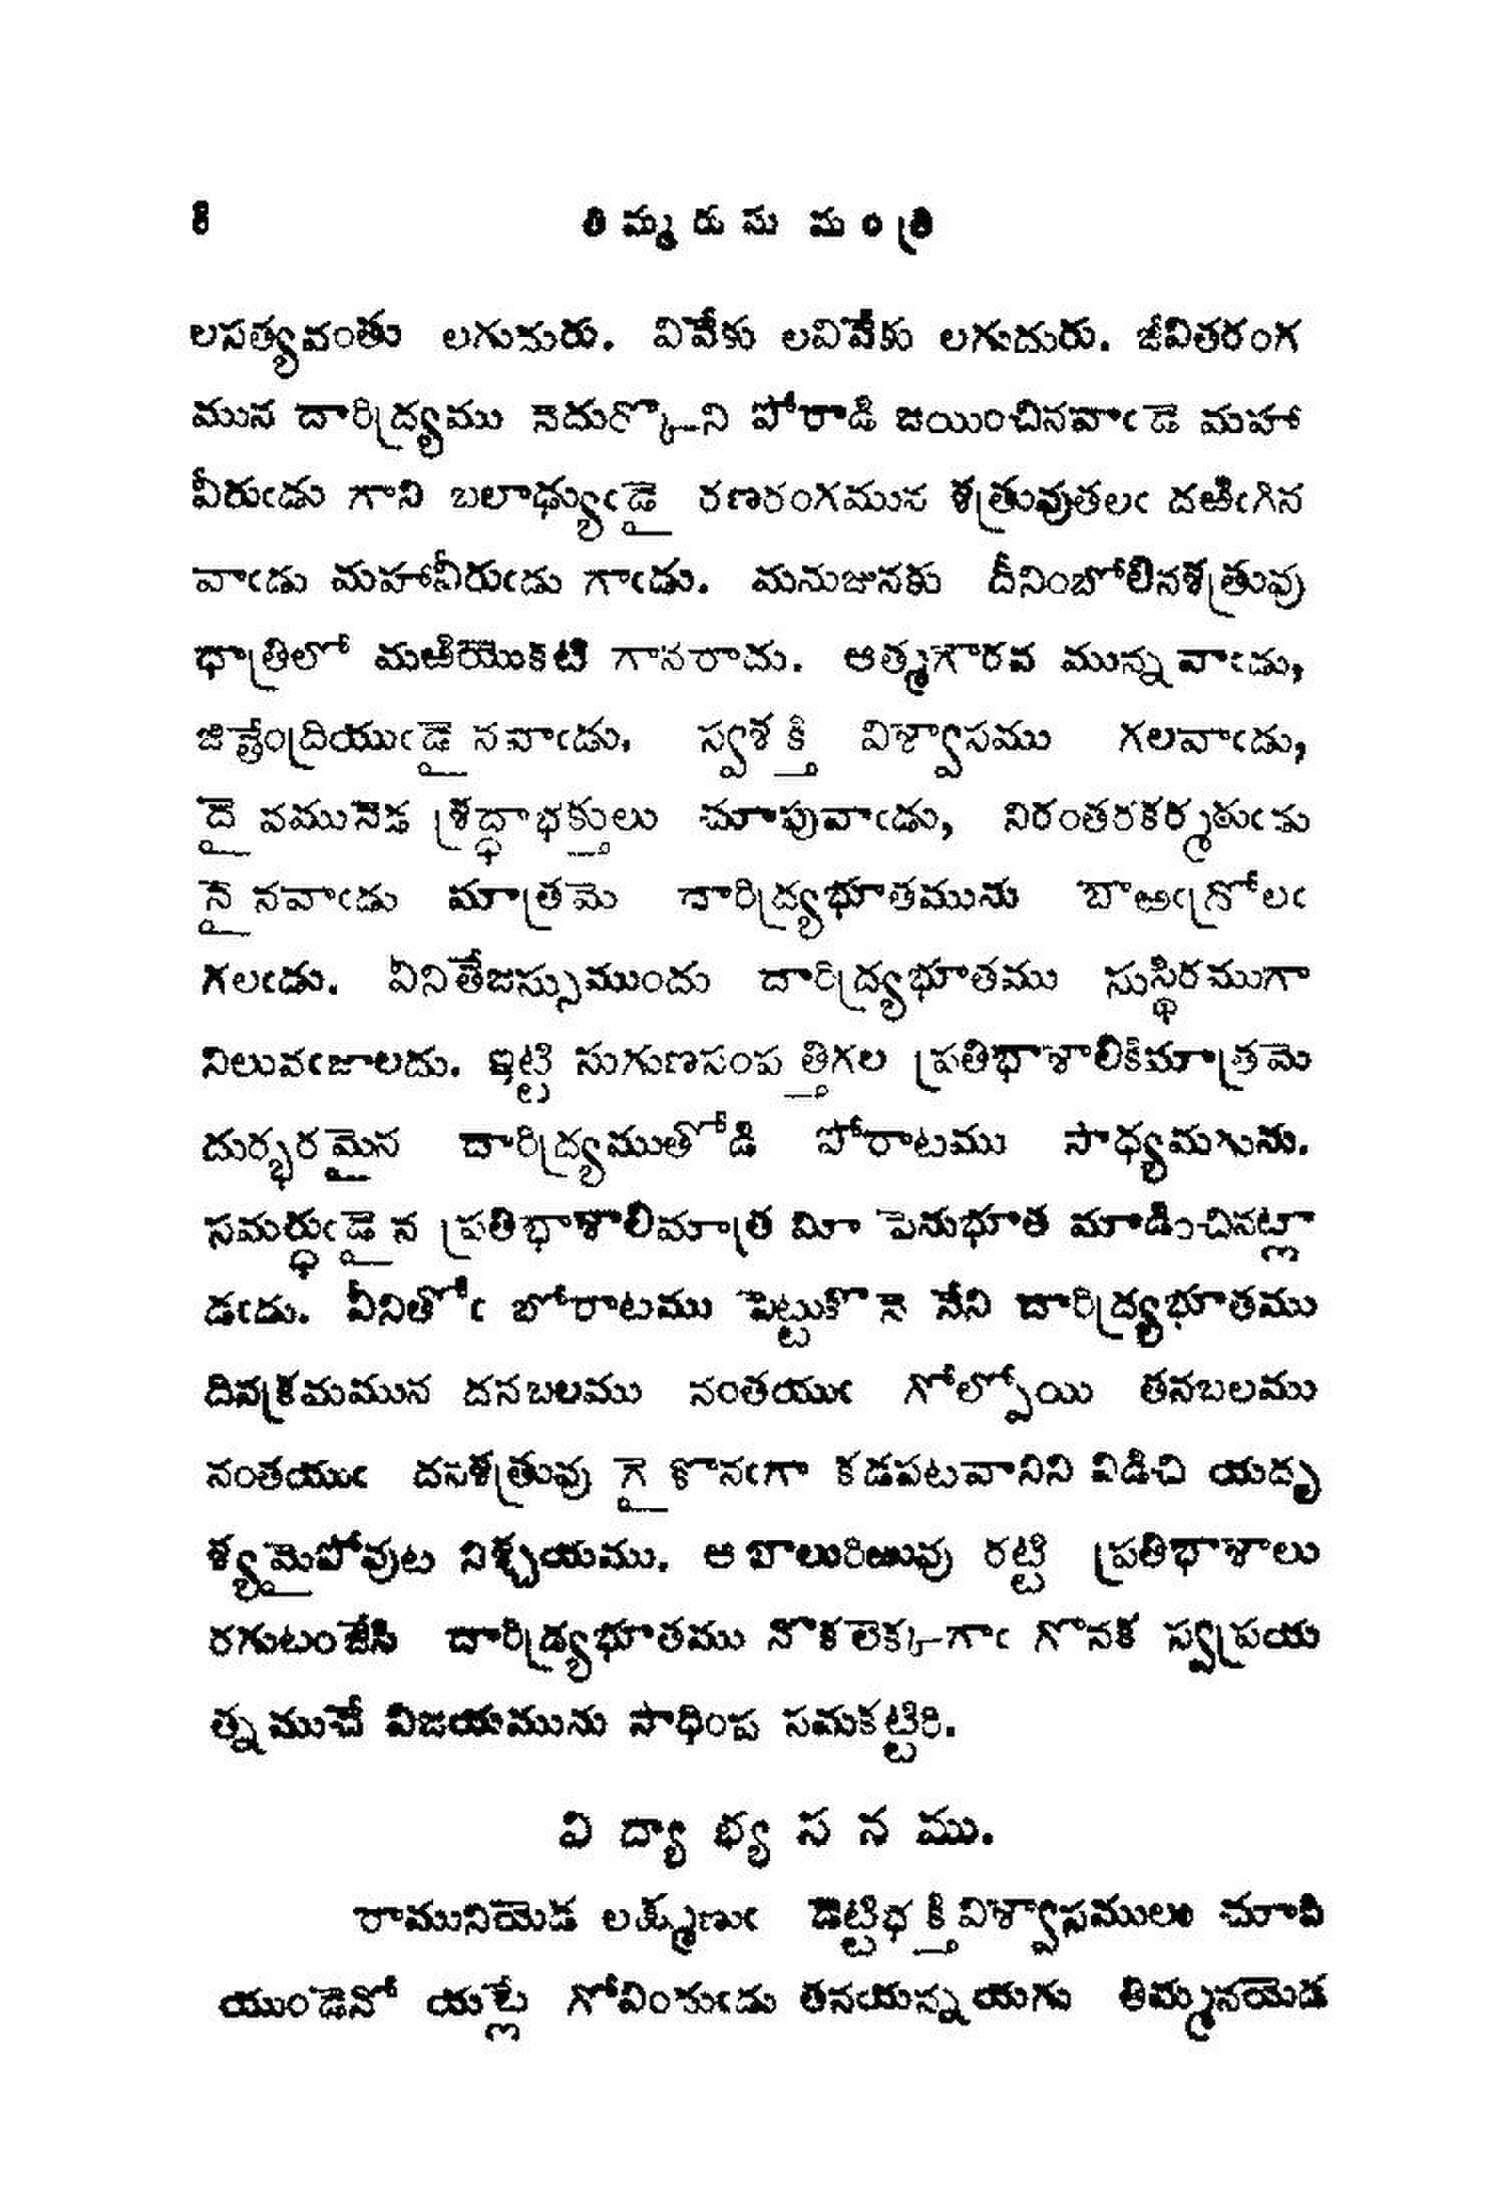లసత్యవంతు లగుదురు. వివేకు లవివేకు లగుదురు. జీవితరంగమున దారిద్ర్యము నెదుర్కొని పోరాడి జయించినవాఁడె మహావీరుఁడు గాని బలాఢ్యుఁడై రణరంగమున శత్రువుతలఁ దఱిఁగిన వాఁడు మహావీరుఁడు గాఁడు. మనుజునకు దీనింబోలినశత్రువు ధాత్రిలో మఱియొకటి గానరాదు. ఆత్మగౌరవ మున్నవాఁడు, జితేంద్రియుఁడైనవాఁడు, స్వశక్తి విశ్వాసము గలవాఁడు, దైవమునెడ శ్రద్ధాభక్తులు చూపువాఁడు, నిరంతరకర్మఠుఁడునైనవాడు మాత్రమే దారిద్ర్యభూతమును బాఱఁద్రోలఁగలఁడు. వీనితేజస్సుముందు దారిద్ర్యభూతము సుస్థిరముగా నిలువఁజాలదు. ఇట్టి సుగుణసంపత్తిగల ప్రతిభాశాలికిమాత్రమె దుర్భరమైన దారిద్ర్యముతోడి పోరాటము సాధ్యమగును. సమర్ధుఁడైన ప్రతిభాశాలిమాత్ర మీ పెనుభూత మాడించినట్లాడఁడు. వీనితోఁ బోరాటము పెట్టుకొనె నేని దారిద్ర్యభూతము దినక్రమమున దనబలము నంతయుఁ గోల్పోయి తనబలము నంతయుఁ దనశత్రువు గైకొనఁగా కడపటవానిని విడిచి యదృశ్యమైపోవుట నిశ్చయము. ఆ బాలురిఱువు రట్టి ప్రతిభాశాలురగుటంజేసి దారిద్ర్యభూతము నొకలెక్కగాఁ గొనక స్వప్రయత్నముచే విజయమును సాధింప సమకట్టిరి.

విద్యాభ్యసనము. 

రామునియెడ లక్ష్మణుఁ డెట్టిభక్తివిశ్వాసములు చూపి యుండెనో యట్లే గోవిందుఁడు తనయున్నయగు తిమ్మనయెడ